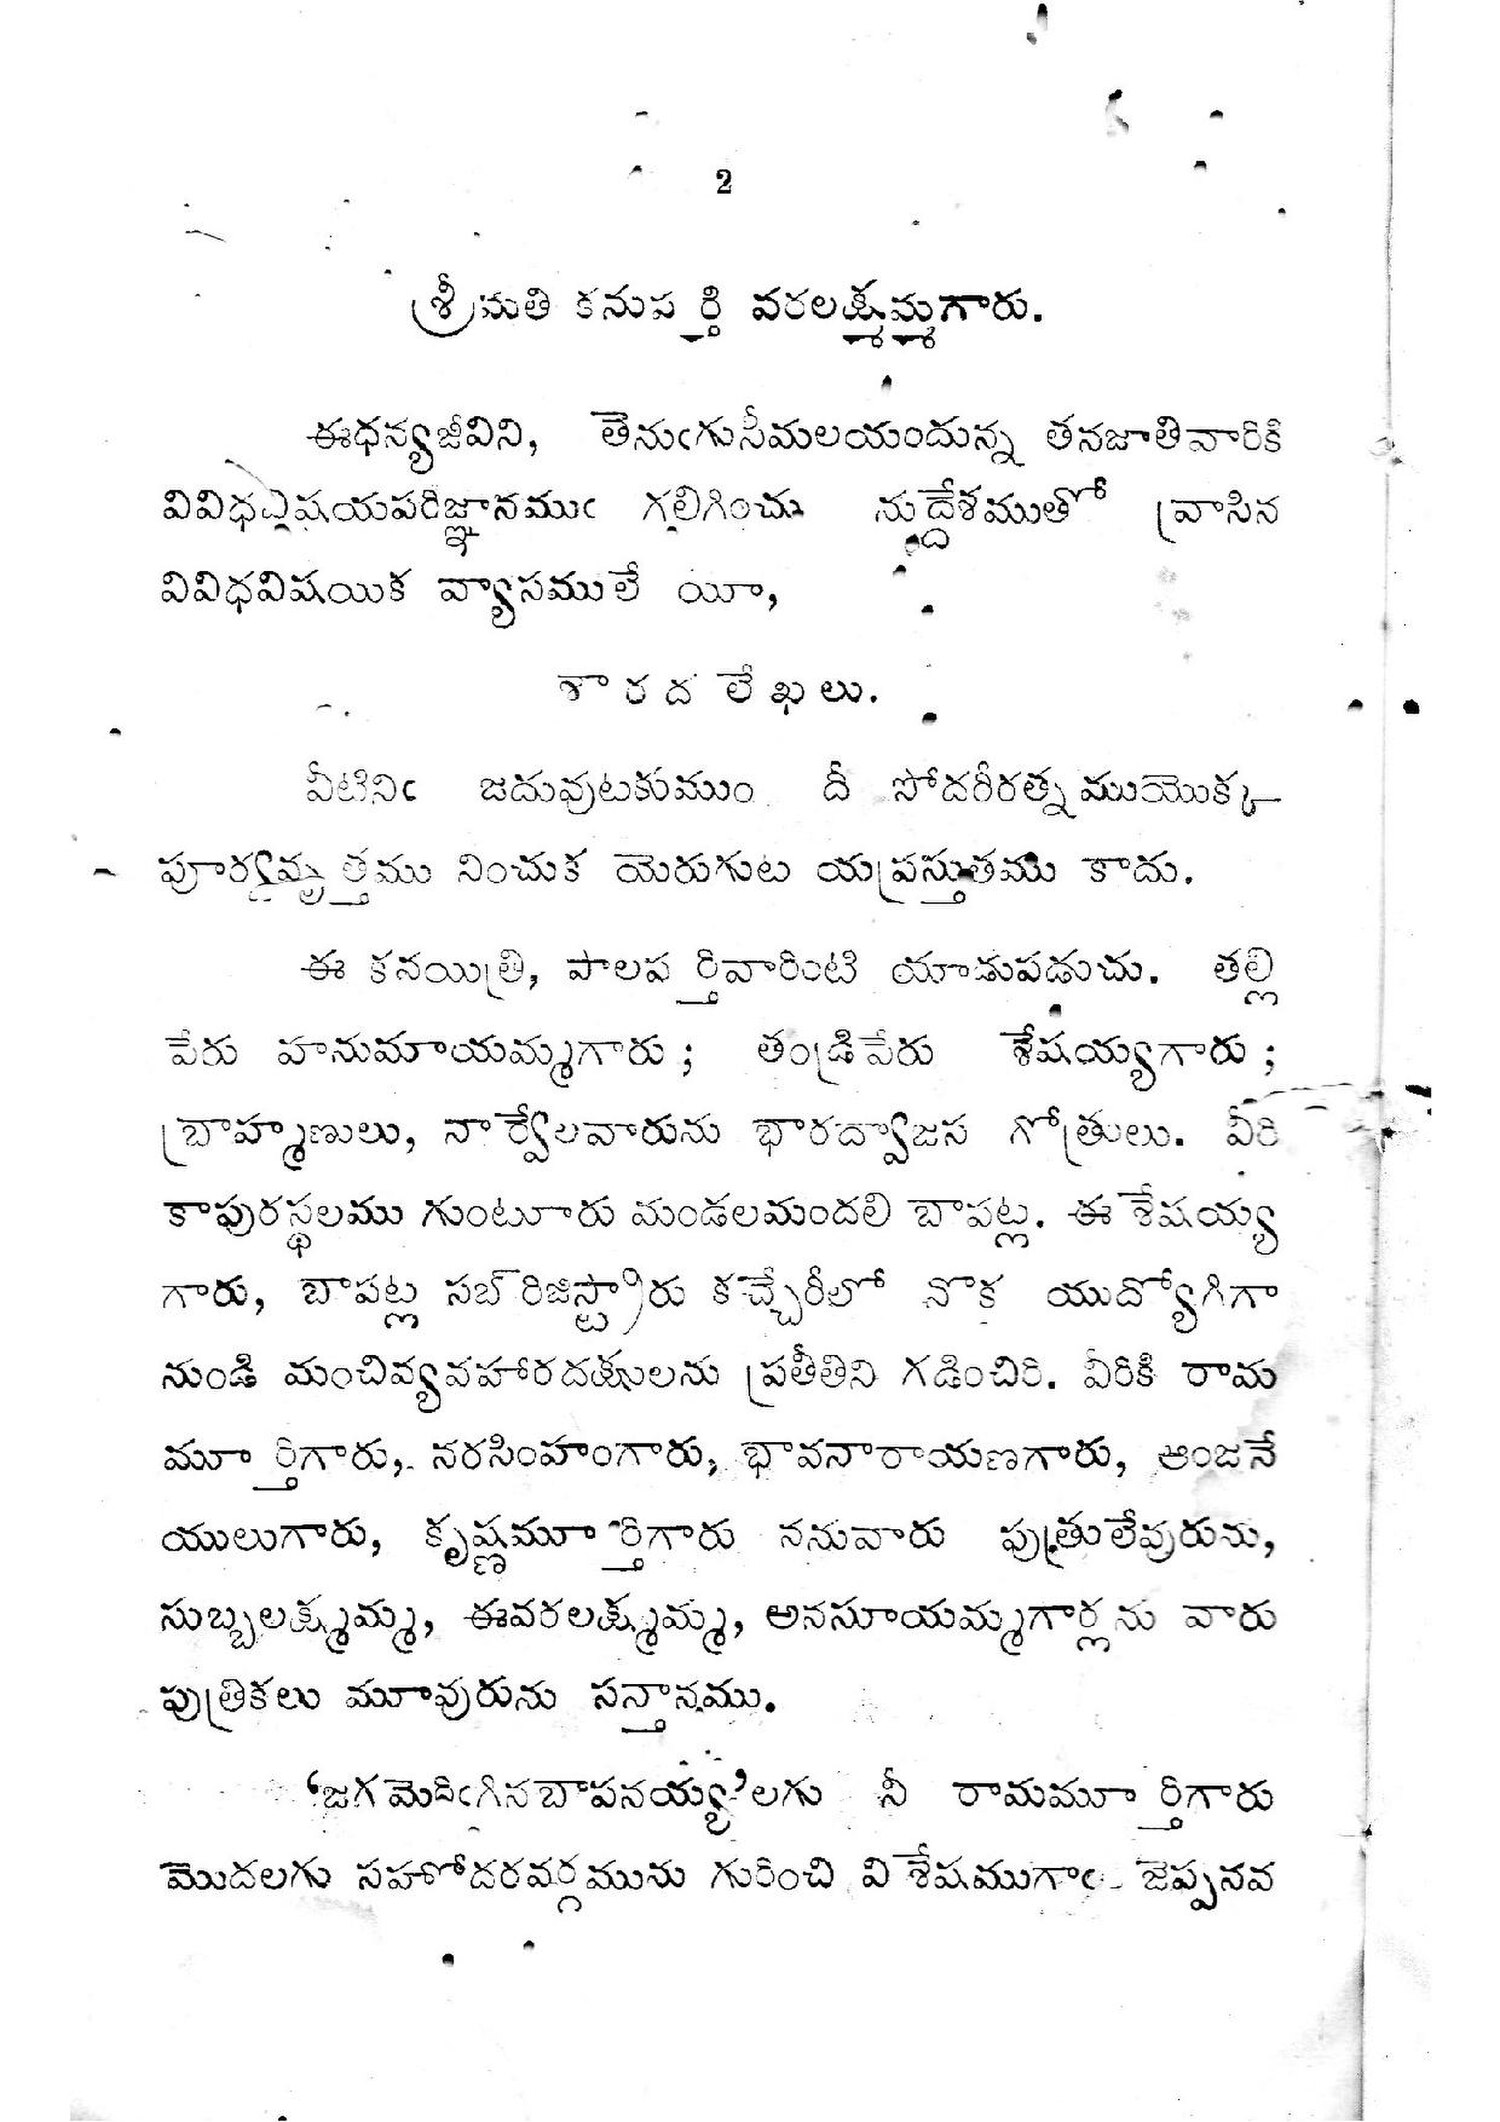శ్రీమతి కనుపర్తి వరలక్ష్మమ్మగారు.

ఈధన్యజీవిని, తెనుఁగుసీమలయందున్న తనజాతివారికి వివిధవిషయపరిజ్ఞానముఁ గలిగించు నుద్దేశముతో వ్రాసిన వివిధవిషయిక వ్యాసములే యీ,

శారద లేఖలు.

వీటినిఁ జదువుటకుముం దీ సోదరీరత్నముయొక్క పూర్వవృత్తము నించుక యెరుగుట యప్రస్తుతము కాదు.

ఈ కవయిత్రి, పాలపర్తివారింటి యాడపడుచు. తల్లిపేరు హనుమాయమ్మగారు; తండ్రిపేరు శేషయ్యగారు; బ్రాహ్మణులు, నార్వేలవారును భారద్వాజస గోత్రులు. వీరి కాపురస్థలము గుంటూరు మండలమందలి బాపట్ల. ఈ శేషయ్యగారు, బాపట్ల సబ్‌రిజిస్ట్రారు కచ్చేరీలో నొక యుద్యోగిగా నుండి మంచివ్య్వహార దక్షులను ప్రతీతిని గడించిరి. వీరికి రామమూర్తిగారు, నరసింహంగారు, భావనారాయణగారు, ఆంజనేయులుగారు, కృష్ణమూర్తిగారు ననువారు పుత్రులేవురును, సుబ్బలక్ష్మమ్మ, ఈవరలక్ష్మమ్మ, అనసూయమ్మగార్లను వారు పుత్రికలు మూవురును సన్తానము.

'జగమెరిఁగినబాపనయ్య'లగు నీ రామమూర్తిగారు మొదలగు సహోదరవర్గమును గురించి విశేషముగాఁ జెప్పనవ